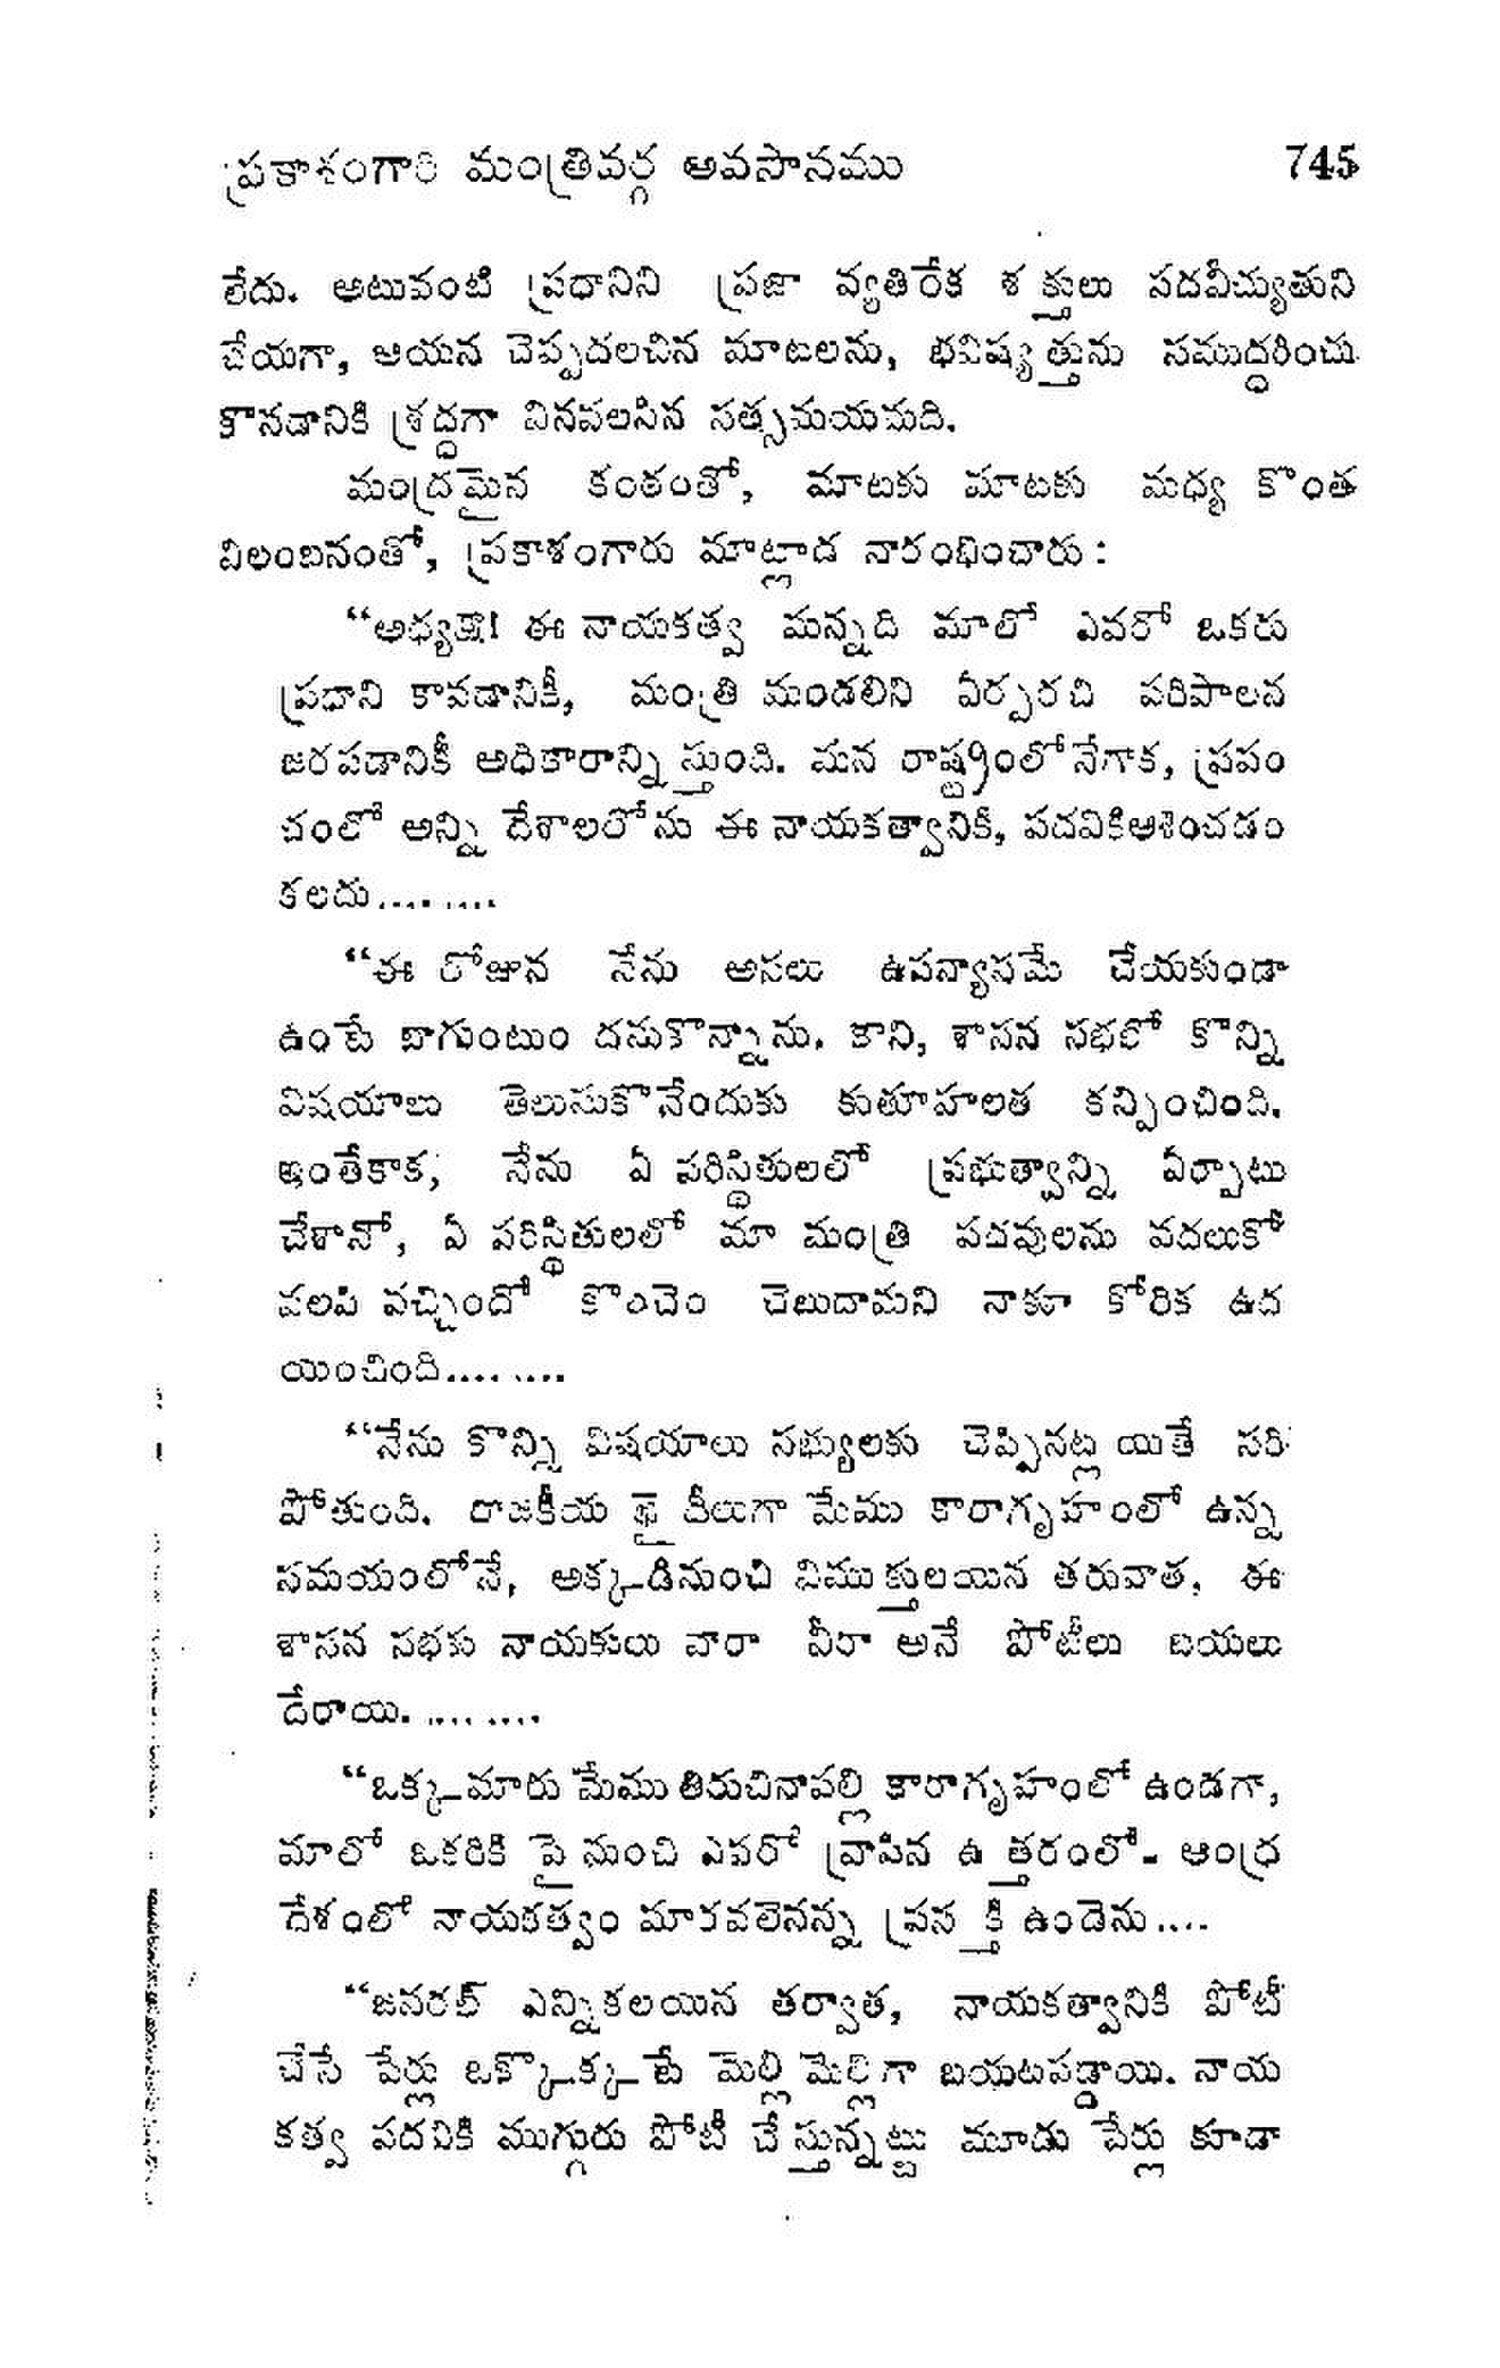లేదు. అటువంటి ప్రధానిని ప్రజా వ్యతిరేక శక్తులు పదవీచ్యుతుని చేయగా, ఆయన చెప్పదలచిన మాటలను, భవిష్యత్తును సముద్ధరించు కొనడానికి శ్రద్దగా వినవలసిన సత్సమయమది.

మంద్రమైన కంఠంతో, మాటకు మాటకు మధ్య కొంత విలంబనంతో, ప్రకాశంగారు మాట్లాడ నారంభించారు:

"అధ్యక్షా! ఈ నాయకత్వ మన్నది మాలో ఎవరో ఒకరు ప్రధాని కావడానికీ, మంత్రి మండలిని ఏర్పరచి పరిపాలన జరపడానికీ అధికారాన్నిస్తుంది. మన రాష్ట్రంలోనేగాక, ప్రపంచంలో అన్ని దేశాలలోను ఈ నాయకత్వానికి, పదవికి ఆశించడం కలదు.......

"ఈ రోజున నేను అసలు ఉపన్యాసమే చేయకుండా ఉంటే బాగుంటుం దనుకొన్నాను. కాని, శాసన సభలో కొన్ని విషయాలు తెలుసుకొనేందుకు కూతూహలత కన్పించింది. ఇంతేకాక, నేను ఏ పరిస్థితులలో ప్రభుత్వాన్ని ఏర్పాటు చేశానో, ఏ పరిస్థితులలో మా మంత్రి పదవులను వదలుకో వలసి వచ్చిందో కొంచెం చెబుదామని నాకూ కోరిక ఉదయించింది........

"నేను కొన్ని విషయాలు సభ్యులకు చెప్పినట్ల యితే సరిపోతుంది. రాజకీయ ఖైదీలుగా మేము కారాగృహంలో ఉన్న సమయంలోనే, అక్కడినుంచి విముక్తులయిన తరువాత, ఈ శాసన సభకు నాయకులు వారా వీరా అనే పోటీలు బయలు దేరాయి... ....

"ఒక్కమారు మేము తిరుచినాపల్లి కారాగృహంలో ఉండగా, మాలో ఒకరికి పై నుంచి ఎవరో వ్రాసిన ఉత్తరంలో - ఆంధ్ర దేశంలో నాయకత్వం మారవలెనన్న ప్రసక్తి ఉండెను.....

"జనరల్ ఎన్నికలయిన తర్వాత, నాయకత్వానికి పోటీ చేసే పేర్లు ఒక్కొక్కటే మెల్లి మెల్లిగా బయటపడ్డాయి. నాయకత్వ పదవికి ముగ్గురు పోటీ చేస్తున్నట్టు మూడు పేర్లు కూడా